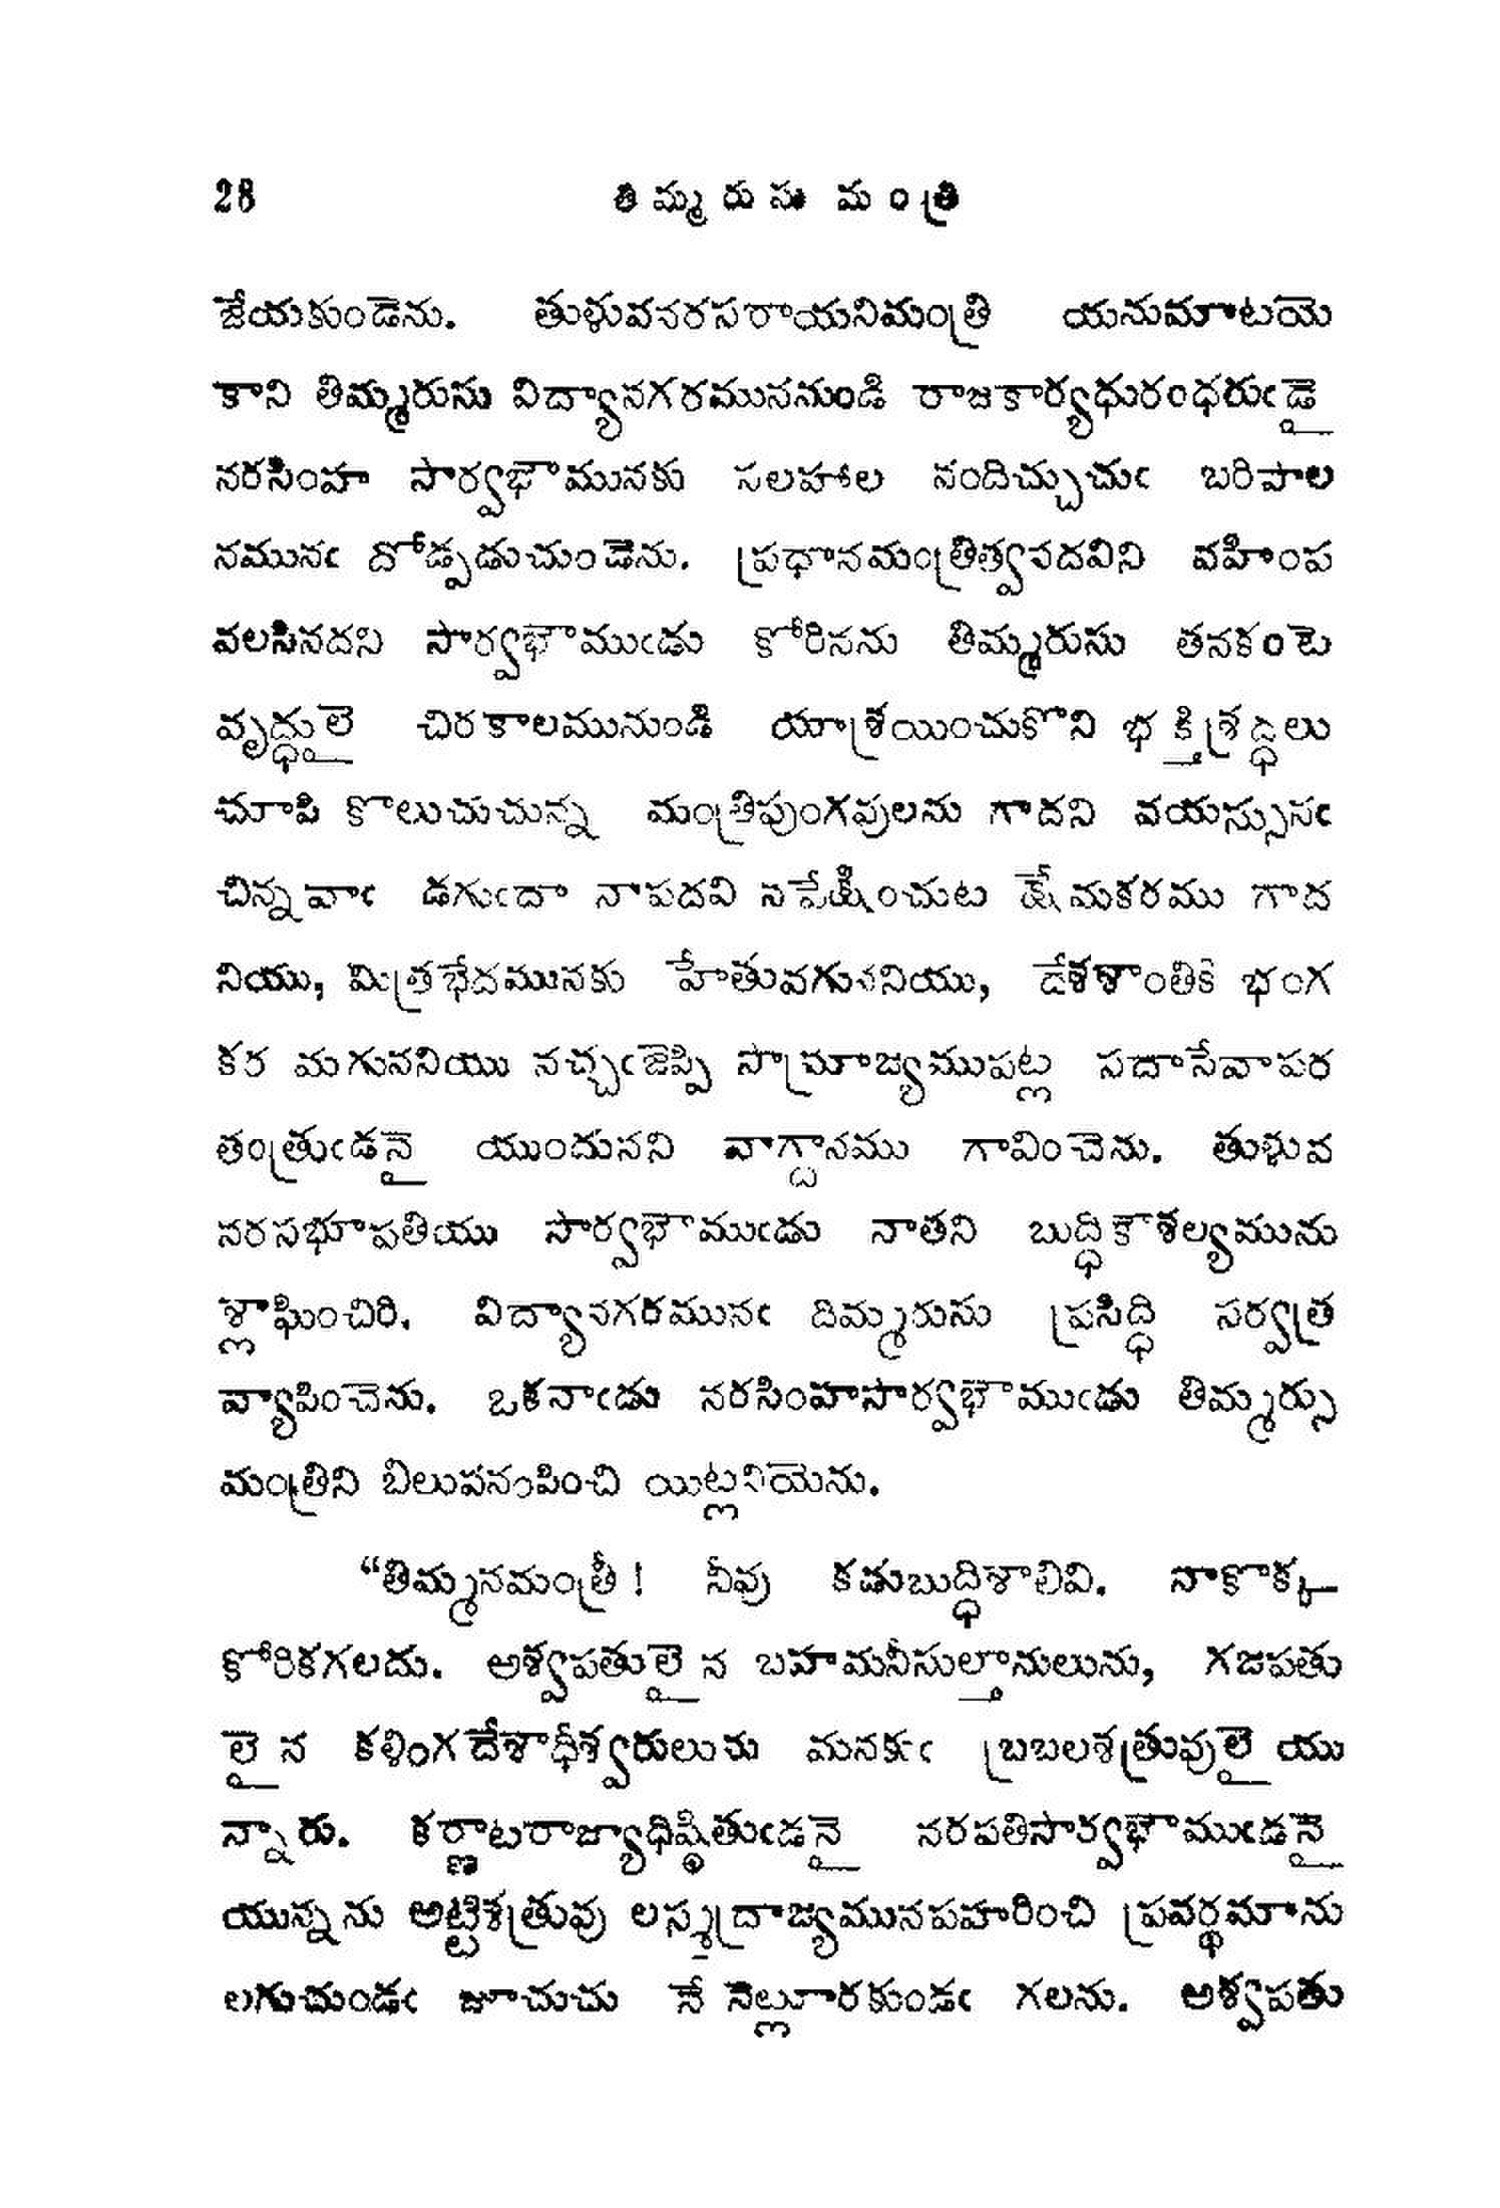జేయకుండెను. తుళువనరసరాయనిమంత్రి యనుమాటయె కాని తిమ్మరుసు విద్యానగరముననుండి రాజకార్యధురంధరుఁడై నరసింహ సార్వభౌమునకు సలహాల నందిచ్చుచుఁ బరిపాలనమునఁ దోడ్పడుచుండెను. ప్రధానమంత్రిత్వపదవిని వహింప వలసినదని సార్వభౌముఁడు కోరినను తిమ్మరుసు తనకంటె వృద్దులై చిరకాలమునుండి యాశ్రయించుకొని భక్తిశ్రద్ధలు చూపి కొలుచుచున్న మంత్రిపుంగవులను గాదని వయస్సునఁ చిన్నవాఁ డగుఁదా నాపదవి నపేక్షించుట క్షేమకరము గాదనియు, మిత్రభేదమునకు హేతువగుననియు, దేశశాంతికి భంగకర మగుననియు నచ్చఁజెప్పి సామ్రాజ్యముపట్ల సదాసేవాపర తంత్రుఁడనై యుందునని వాగ్దానము గావించెను. తుళువ నరసభూపతియు సార్వభౌముఁడు నాతని బుద్దికౌశల్యమును శ్లాఘించిరి. విద్యానగరమునఁ దిమ్మరుసు ప్రసిద్ధి సర్వత్ర వ్యాపించెను. ఒకనాఁడు నరసింహసార్వభౌముఁడు తిమ్మర్సు మంత్రిని బిలువనంపించి యిట్లనియెను.

“తిమ్మనమంత్రీ! నీవు కడుబుద్ధిశాలివి. నాకొక్క కోరికగలదు. అశ్వపతులైన బహమనీ సుల్తానులును, గజపతులైన కళింగదేశాధీశ్వరులును. మనకుఁ బ్రబలశత్రువులై యున్నారు. కర్ణాటరాజ్యాధిష్ఠితుఁడనై నరపతిసార్వభౌముఁడనై యున్నను అట్టిశత్రువు లస్మద్రాజ్యము నపహరించి ప్రవర్థమానులగుచుండఁ జూచుచు నే నెట్లూరకుండఁ గలను. అశ్వపతు